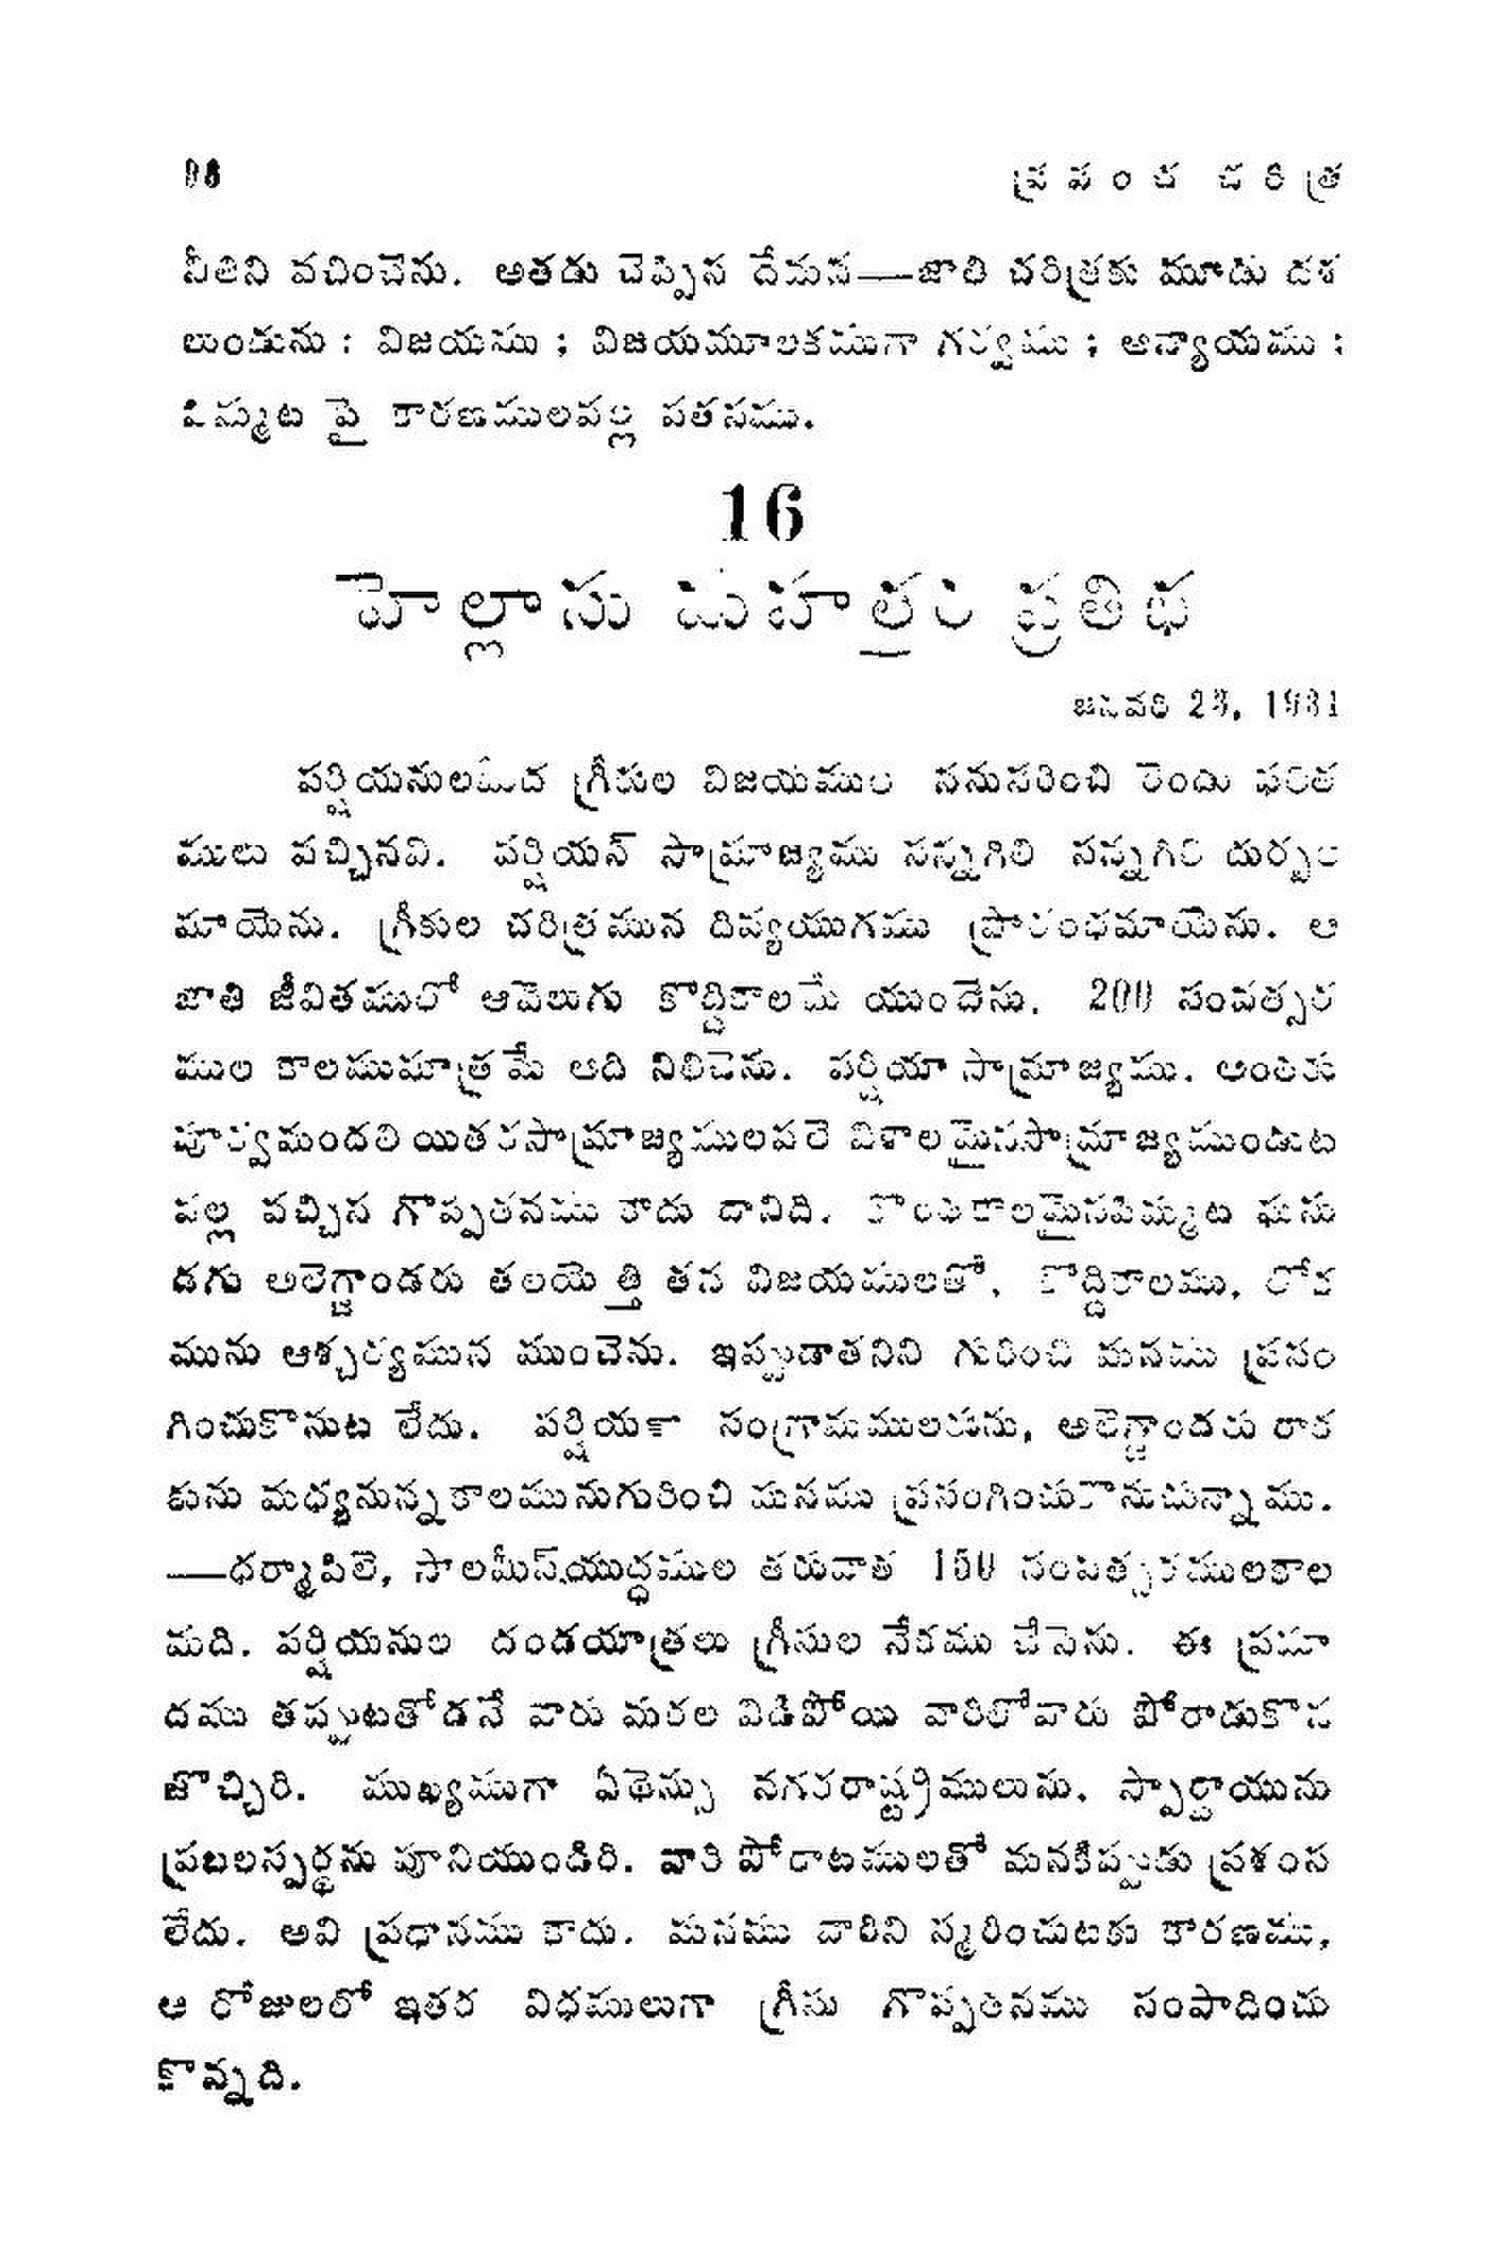నీతిని వచించెను. అతడు చెప్పిన దేమన - జాతి చరిత్రకు మూడు దశలుండును : విజయము : విజయమూలకముగా గర్వము : అన్యాయము : పిమ్మట పై కారణములవల్ల పతనము.

16
హెల్లాసు మహత్తర ప్రతిభ

పర్షియనులమీద గ్రీకుల విజయముల ననుసరించి రెండు ఫలితములు వచ్చినవి. పర్షియన్ సామ్రాజ్యము సన్నగిలి సన్నగిలి దుర్బల మాయెను. గ్రీకుల చరిత్రమున దివ్యయుగము ప్రారంభమాయెను. ఆ జాతి జీవితములో ఆవెలుగు కొద్దికాలమే యుండెను. 200 సంవత్సరముల కాలముమాత్రమే అది నిలిచెను. పర్షియా సామ్రాజ్యము, అంతకు పూర్వమందలి యితరసామ్రాజ్యములవలె విశాలమైనసామ్రాజ్యముండుట వల్ల వచ్చిన గొప్పతనము కాదు దానిది. కొంతకాలమైనపిమ్మట ఘనుడగు అలెగ్జాండరు తలయెత్తి తన విజయములతో, కొద్దికాలము, లోకమును ఆశ్చర్యమున ముంచెను. ఇప్పుడాతనిని గురించి మనము ప్రసంగించుకొనుట లేదు. పర్షియన్ సంగ్రామములకును, అలెగ్జాండరు రాకకును మధ్యనున్న కాలమునుగురించి మనము ప్రసంగించుకొనుచున్నాము. ధర్మాపిలె, సాలమీస్‌యుద్ధముల తరువాత 150 సంవత్సరములకాల మది. పర్షియనుల దండయాత్రలు గ్రీసుల నేకము చేసెను. ఈ ప్రమాదము తప్పుటతోడనే వారు మరల విడిపోయి వారిలోవారు పోరాడుకొనజొచ్చిరి. ముఖ్యముగా ఏథెన్సు నగరరాష్ట్రములును, స్పార్టాయును ప్రబలస్పర్థను పూనియుండిరి. వారి పోరాటములతో మనకిప్పుడు ప్రశంస లేదు. అవి ప్రధానము కాదు. మనము వారిని స్మరించుటకు కారణము, ఆ రోజులలో ఇతర విధములుగా గ్రీసు గొప్పతనము సంపాదించుకొన్నది.